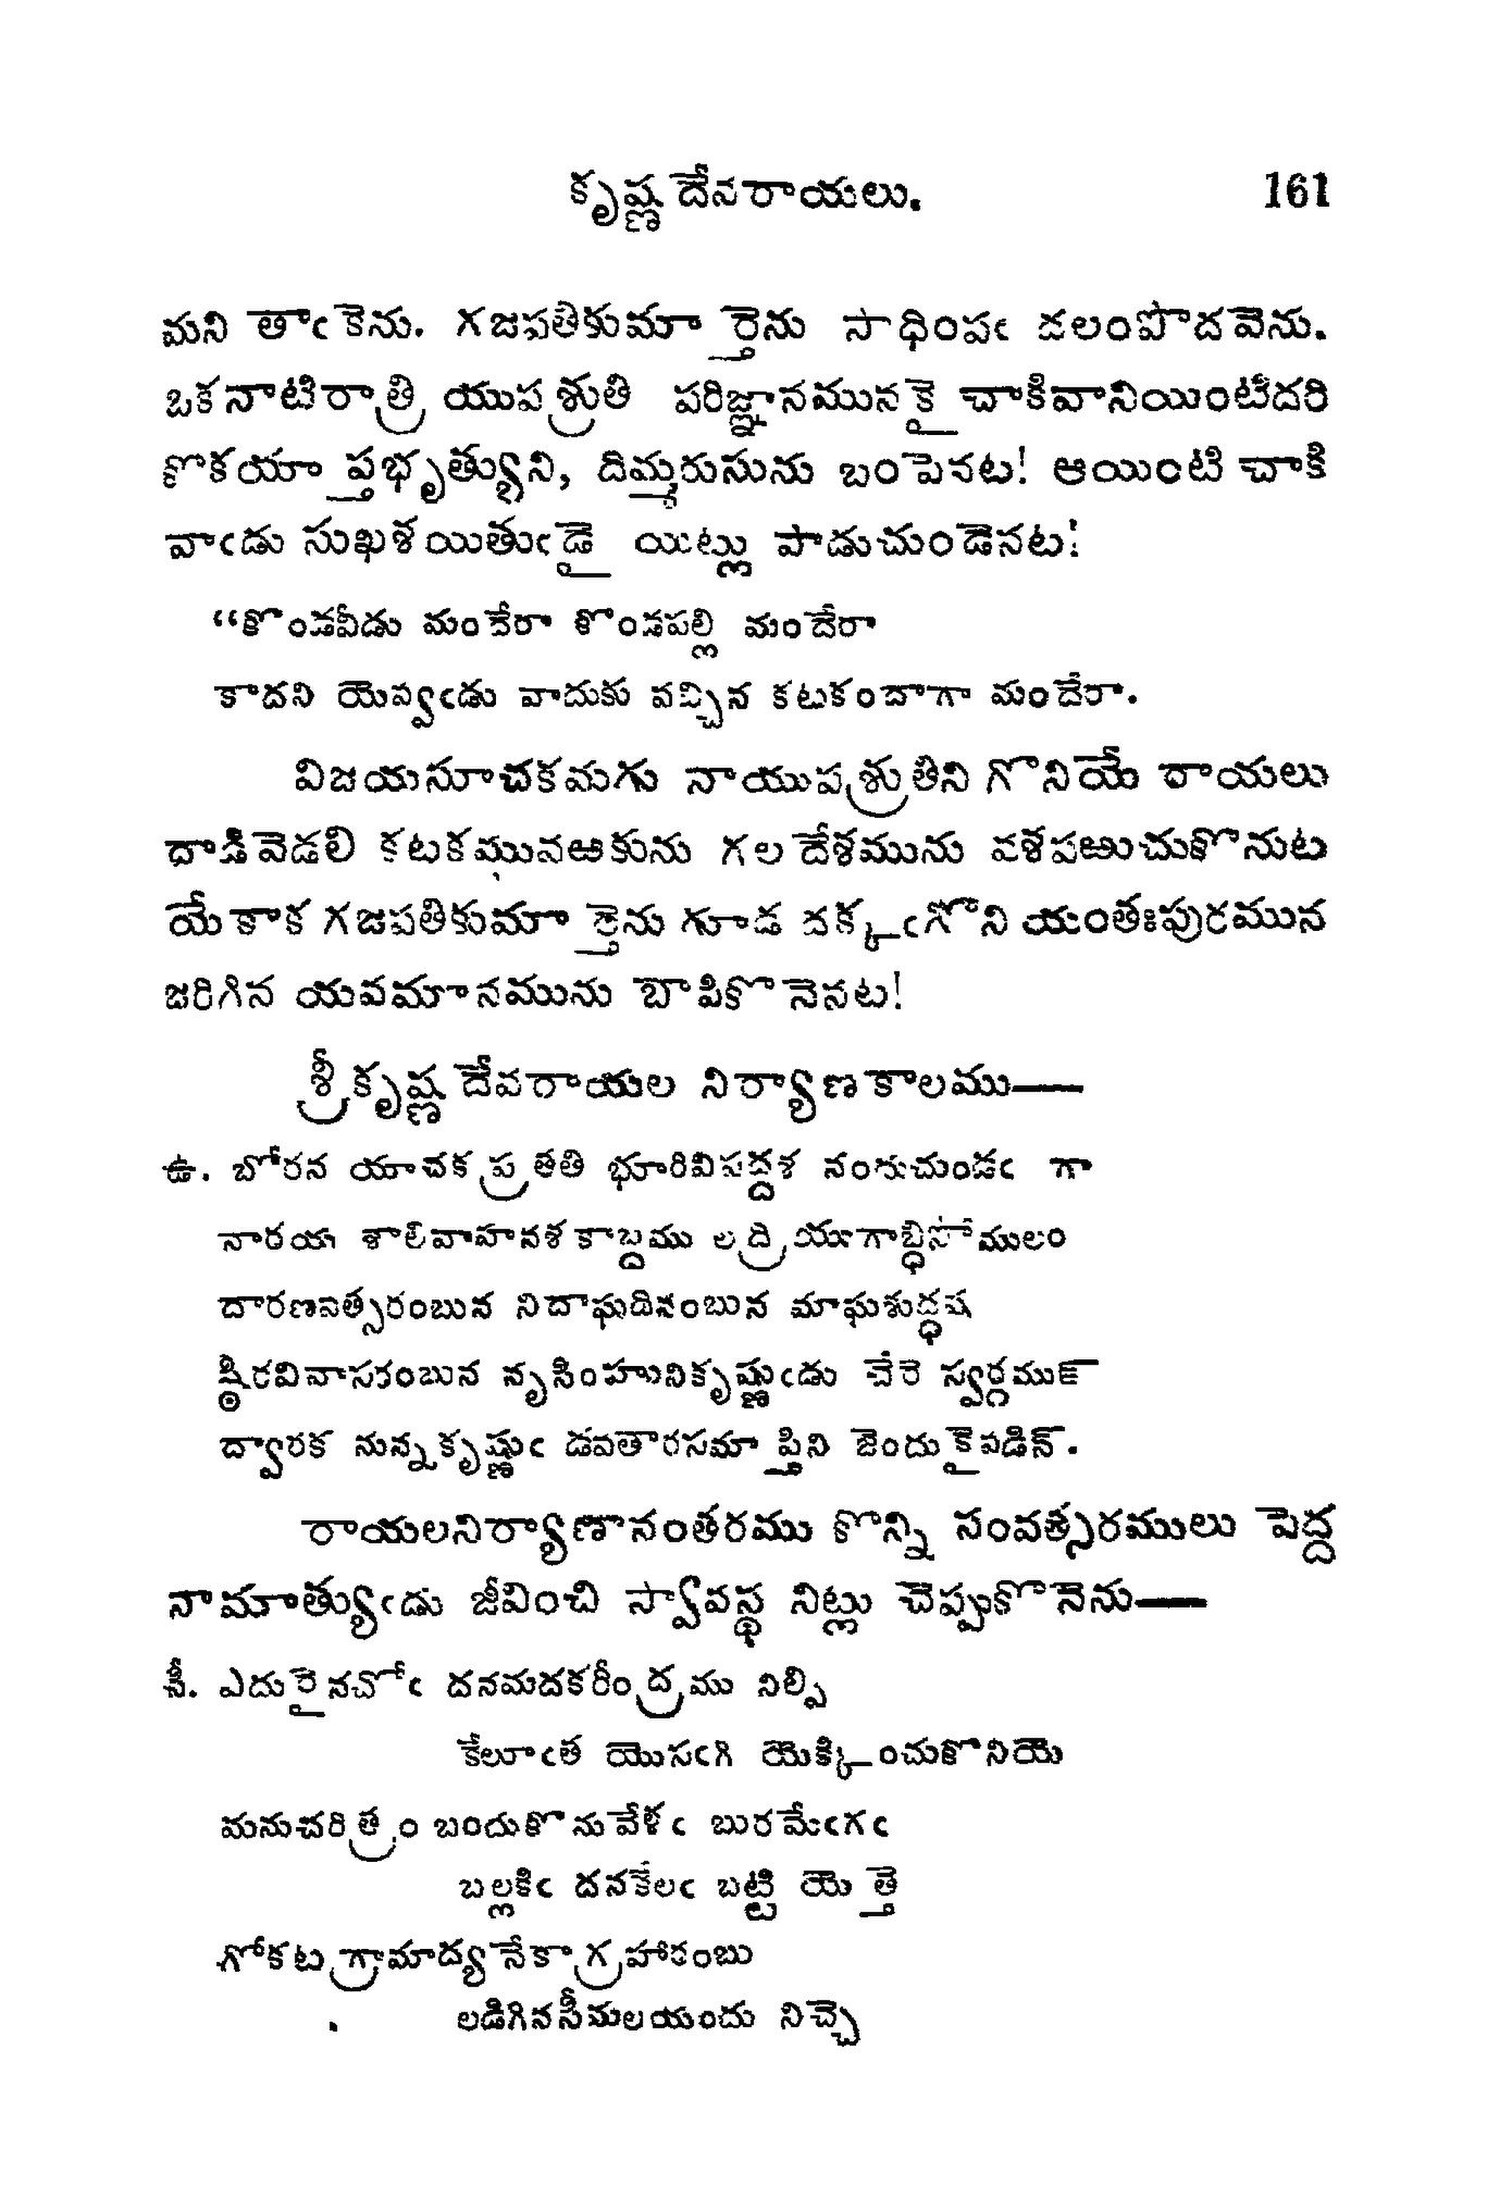మని తాఁకెను. గజపతికుమార్తెను సాధింపఁ దలం పొదవెను. ఒకనాటిరాత్రి యుపశ్రుతిపరిజ్ఞానమునకై చాకివానియింటిదరి కొకయాప్తభృత్యుని, దిమ్మరుసును బంపెనఁట! ఆయింటి చాకివాఁడు సుఖశయితుఁడై యిట్లు పాడుచుండెనఁట!
 కొండవీడు మందేరా కొండపల్లి మందేరా
 కాదని యెవ్వఁడు వాదుకు వచ్చిన కటకందాకా మందేరా.
విజయసూచకమగు నాయుపశ్రుతిని గొనియే రాయలు దాడి వెడలి కటకమువఱకును గలదేశమును వశపఱచుకొనుటయేకాక గజపతికుమార్తెను గూడ దక్కఁగొని యంతఃపురమున జరిగిన యవమానమును బాపికొనెనఁట!

శ్రీకృష్ణదేవరాయల నిర్యాణకాలము—
ఉ. బోరన యాచకప్రతతి భూరివిపద్దశ నందుచుండఁగా
 నారయ శాలివాహనశకాబ్దము లద్రియుగాబ్ధిసోములం
 దారణవత్సరంబున నిదాఘదినంబున మాఘ శుద్ధష
 ష్ఠీరవివాసరంబున నృసిహునికృష్ణుఁడు చేరె స్వర్గమున్
 ద్వారక నున్నకృష్ణుఁ డవతారసమాప్తిని జెందుకైవడిన్.
రాయలనిర్యాణానంతరము కొన్నిసంవత్సరములు పెద్దనామాత్యుఁడు జీవించి స్వావస్థ నిట్లు చెప్పుకొనెను—
సీ. ఎదురైనచోఁ దనమదకరీంద్రము నిల్పి
 కేలుఁత యొసఁగి యెక్కించుకొనియె
 మనుచరిత్రం బందుకొనువేళఁ బురమేఁగఁ
 బల్లకిఁ దనకేలఁ బట్టి యెత్తె
 గోకటగ్రామాద్యనేకాగ్రహారంబు
 లడిగినసీమలయందు నిచ్చె